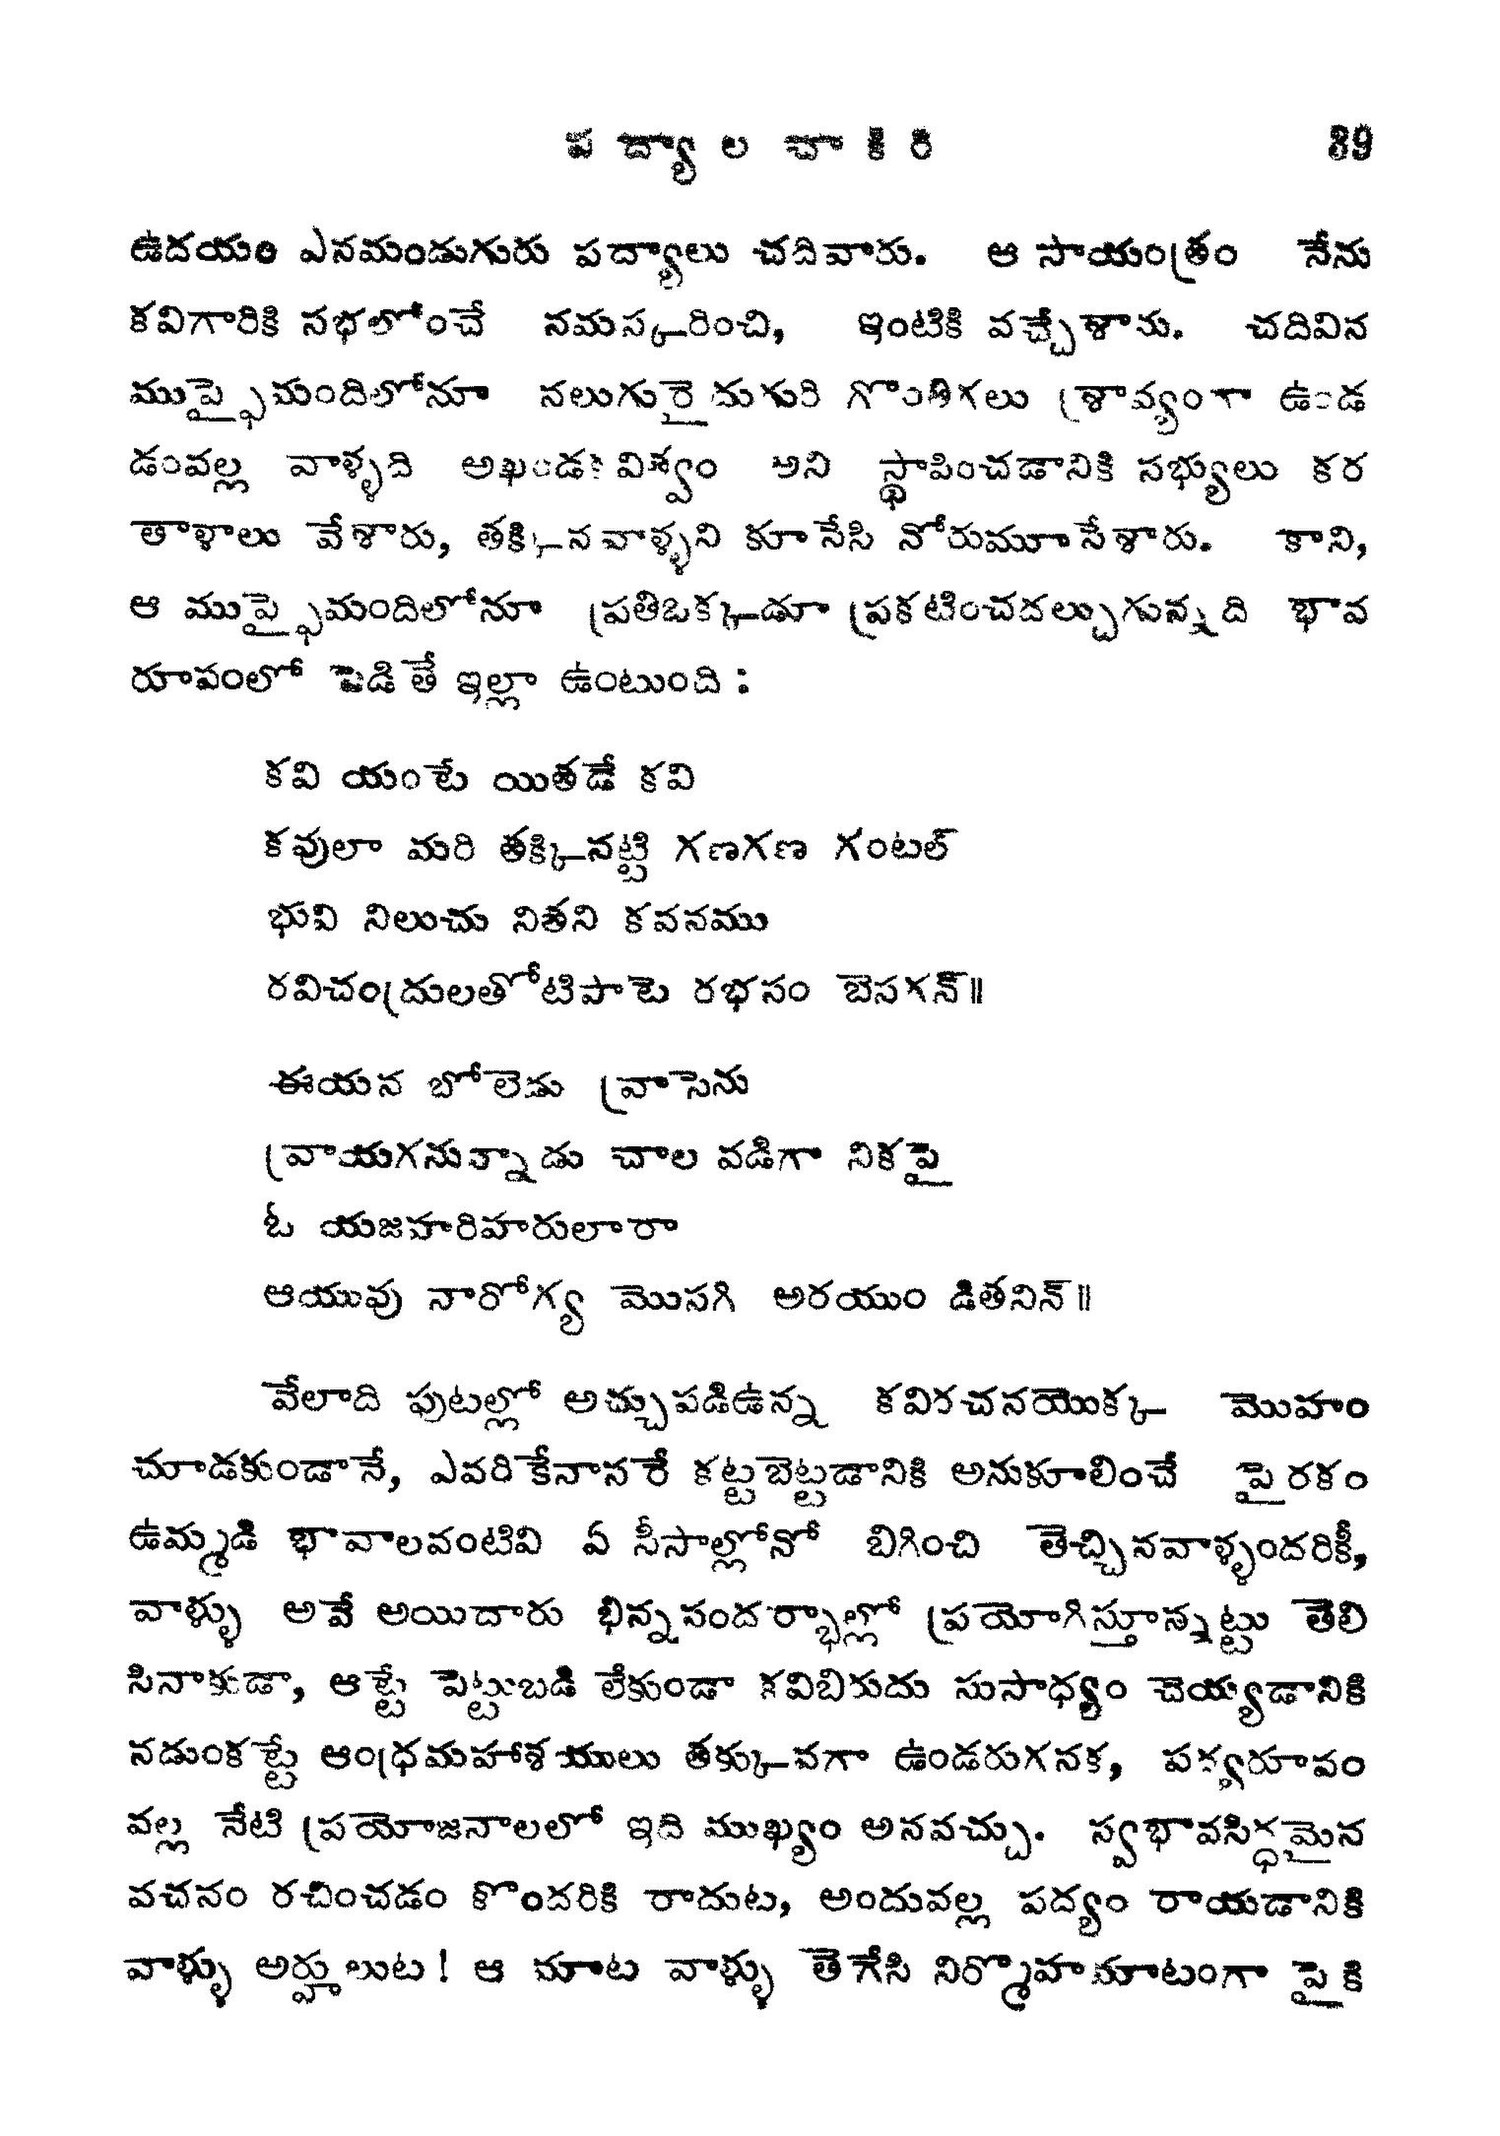ఉదయం ఎనమండుగురు పద్యాలు చదివారు. ఆ సాయంత్రం నేను
కవిగారికి సభలోంచే నమస్కరించి, ఇంటికి వచ్చేశాను. చదివిన
ముప్ఫైమందిలోనూ నలుగురైదుగురి గొంతిగలు శ్రావ్యంగా ఉండ
డంవల్ల వాళ్ళది అఖండకవిత్వం అని స్థాపించడానికి సభ్యులు కర
తాళాలు వేశారు, తక్కినవాళ్ళని కూసేసి నోరుమూసేశారు. కాని,
ఆ ముప్ఫైమందిలోనూ ప్రతిఒక్కడూ ప్రకటించదల్బుగున్నది భావ
రూపంలో పెడితే ఇల్లా ఉంటుంది :

కవి యంటే యితడే కవి
కవులా మరి తక్కినట్టి గణగణ గంటల్
భువి నిలుచు నితని కవనము
రవిచంద్రులతోటిపాటె రభసం బెసగన్ ॥

ఈయన బోలెడు వ్రాసెను
వ్రాయగనున్నాడు చాల వడిగా నికపై
ఓ యజహరిహరులారా
ఆయువు నారోగ్య మొసగి అరయుం డితనిన్ II

వేలాది పుటల్లో అచ్చుపడిఉన్న కవిరచనయొక్క మొహం
చూడకుండానే, ఎవరికేనాసరే కట్టబెట్టడానికి అనుకూలించే పైరకం
ఉమ్మడి భావాలవంటివి ఏ సీసాల్లోనో బిగించి తెచ్చినవాళ్ళందరికీ,
వాళ్ళు అవే అయిదారు భిన్నసందర్భాల్లో ప్రయోగిస్తూన్నట్టు తెలి
సినాకుడా, అట్టే పెట్టుబడి లేకుండా కవిబిరుదు సుసాధ్యం చెయ్యడానికి
నడుంకట్టే ఆంధ్రమహాశయులు తక్కువగా ఉండరుగనక, పద్యరూపం
వల్ల నేటి ప్రయోజనాలలో ఇది ముఖ్యం అనవచ్చు. స్వభావసిద్ధమైన
వచనం రచించడం కొందరికి రాదుట, అందువల్ల పద్యం రాయడానికి
వాళ్ళు అర్హులుట! ఆ మాట వాళ్ళు తెగేసి నిర్మొహమాటంగా పైకి